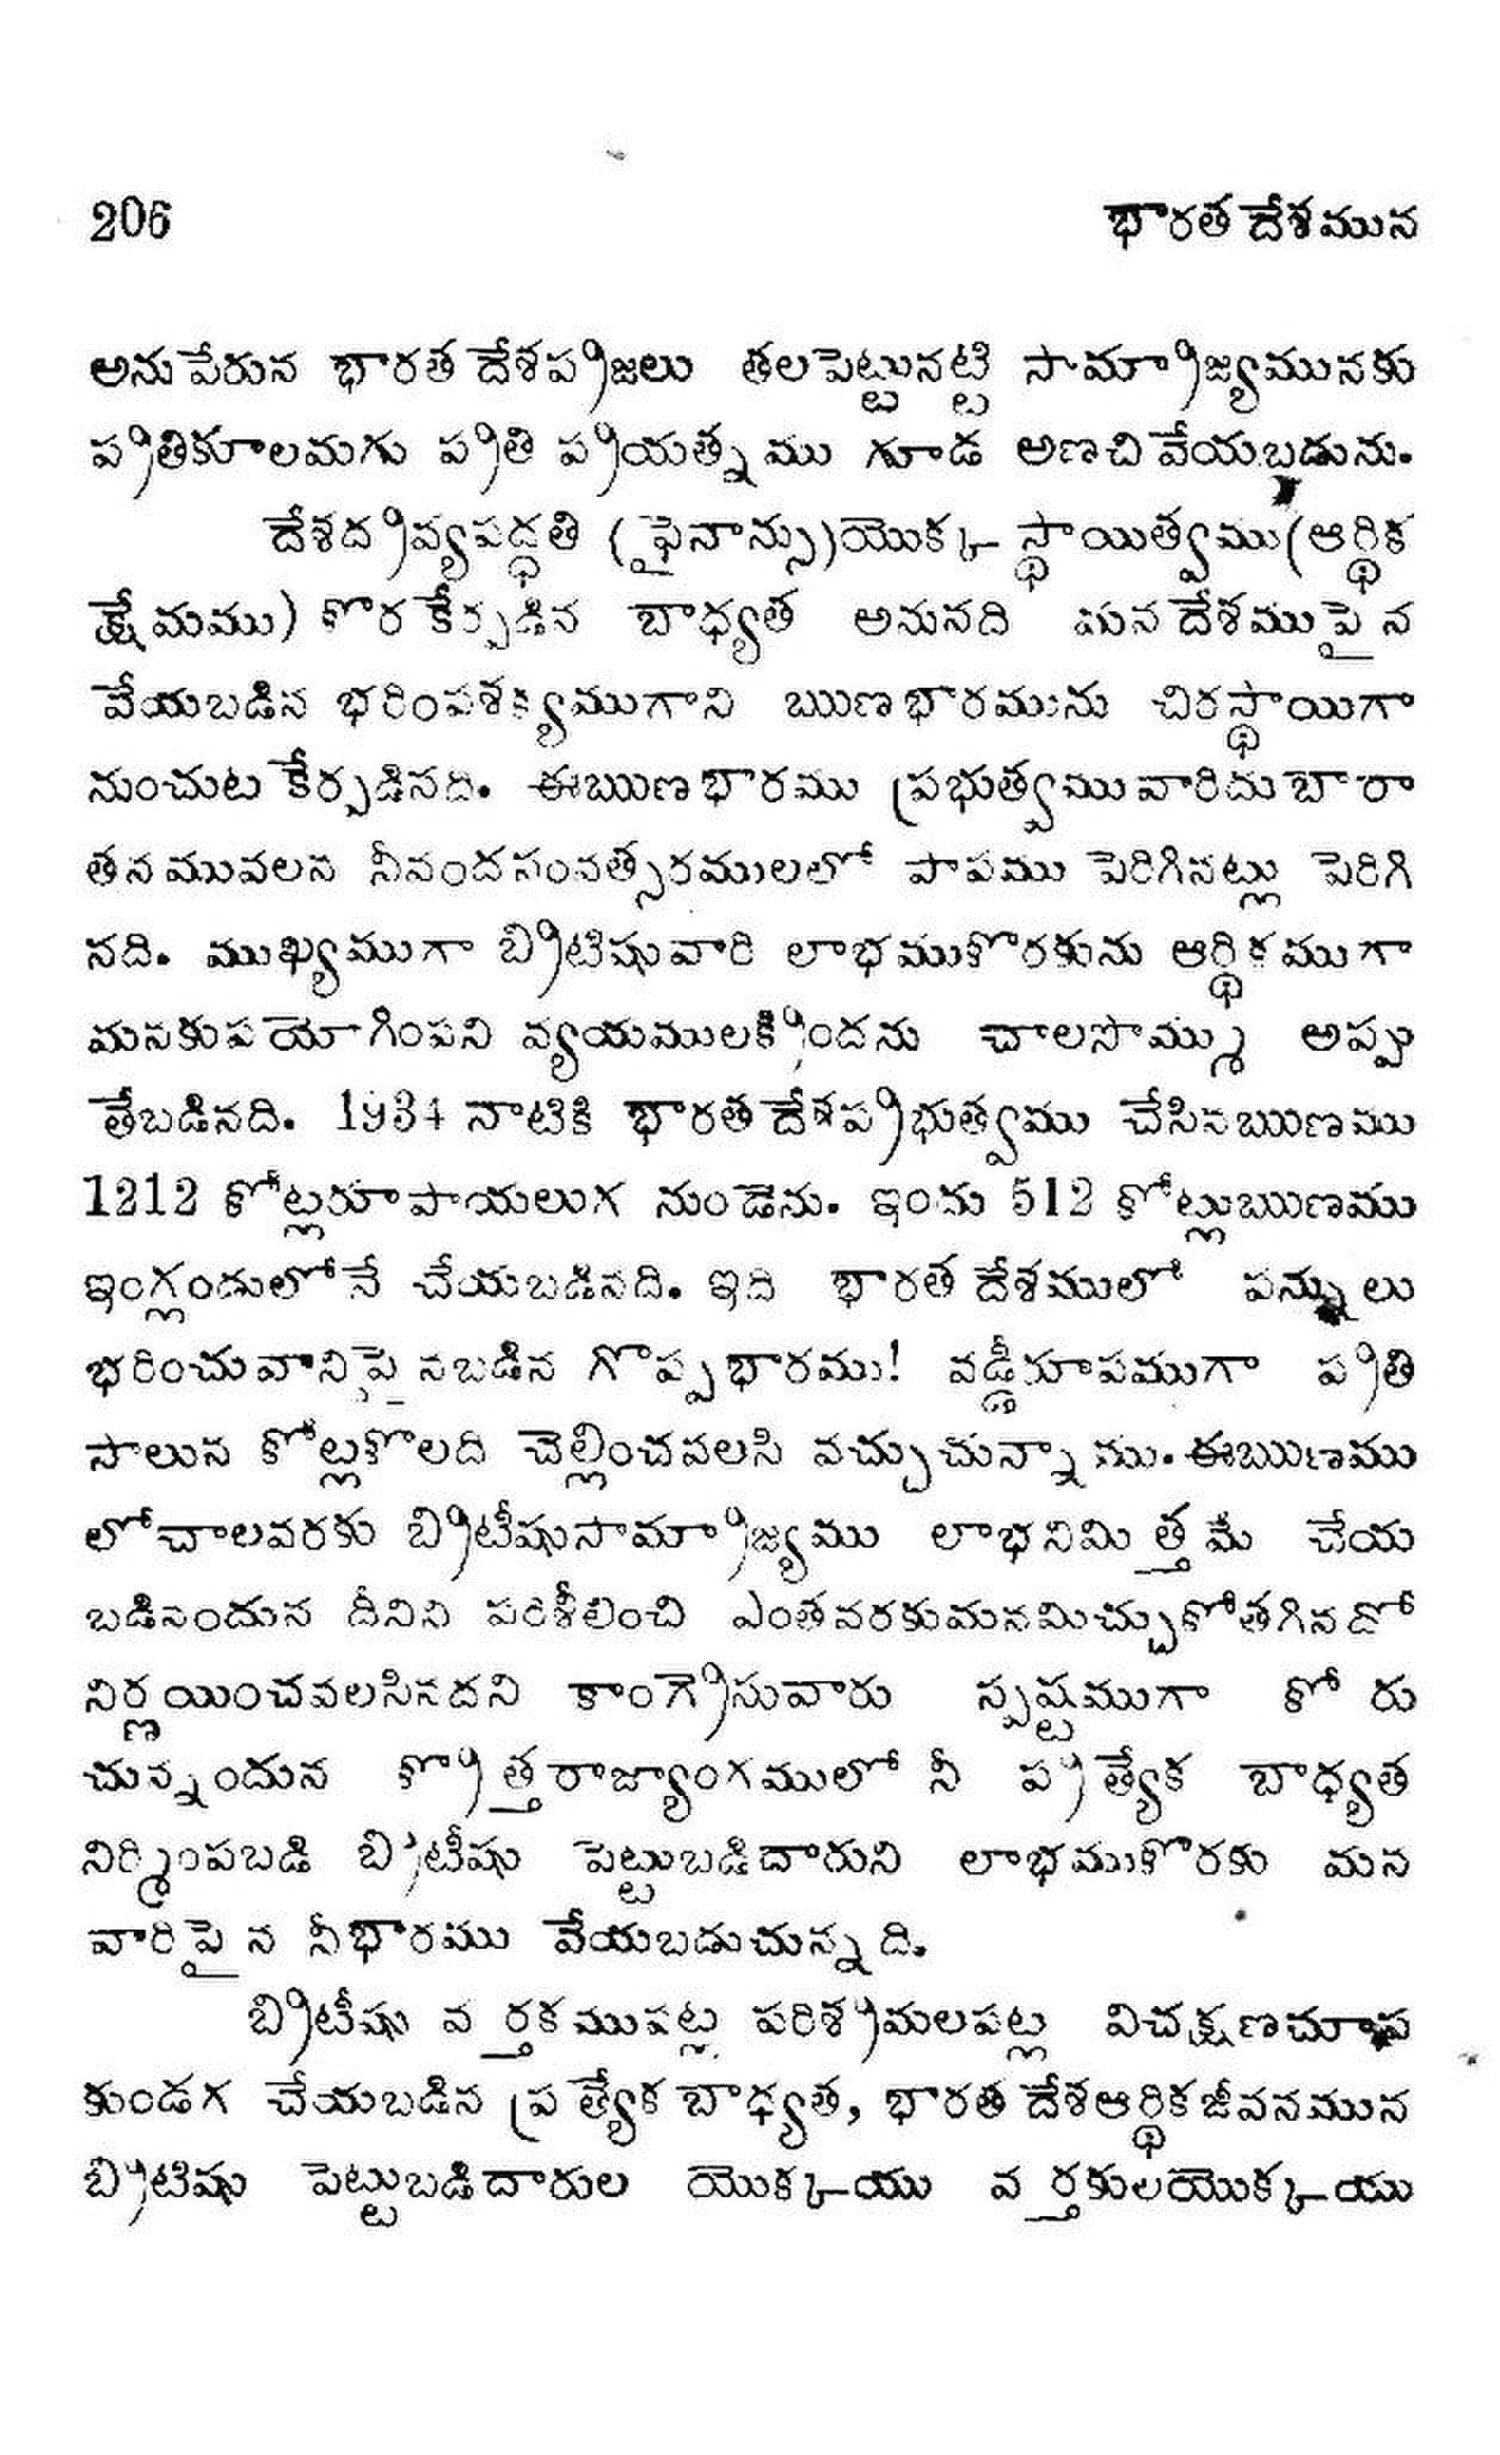అనుపేరున భారతదేశప్రజలు తలపెట్టునట్టి సామ్రాజ్యమునకు ప్రతికూలమగు ప్రతి ప్రయత్నము గూడ అణచి వేయబడును.

దేశద్రవ్యపద్ధతి (ఫైనాన్సు) యొక్క స్థాయిత్వము (ఆర్థిక క్షేమము) కొరకేర్పడిన బాధ్యత అనునది మనదేశముపైన వేయబడిన భరింపశక్యముగాని ఋణభారమును చిరస్థాయిగా నుంచుట కేర్చడినది. ఈ ఋణభారము ప్రభుత్వము వారిదుబారా తనమువలన నీవందసంవత్సరములలో పాపము పెరిగినట్లు పెరిగినది. ముఖ్యముగా బ్రిటిషువారి లాభముకొరకును ఆర్థికముగా మసకుపయోగింపని వ్యయములక్రిందను చాలసొమ్ము అప్పు తేబడినది. 1934 నాటికి భారతదేశప్రభుత్వము చేసినఋణము 1212 కోట్ల రూపాయలుగ నుండెను. ఇందు 512 కోట్లుఋణము ఇంగ్లండులోనే చేయబడినది. ఇది భారతదేశములో పన్నులు భరించువానిపైనబడిన గొప్పభారము! వడ్డీరూపముగా ప్రతి సాలున కోట్లకొలది చెల్లించవలసి వచ్చుచున్నాము. ఈఋణములో చాలవరకు బ్రిటీషుసామ్రాజ్యము లాభనిమిత్తమే చేయబడినందున దీనిని పరిశీలించి ఎంతవరకుమనమిచ్చుకోతగినదో నిర్ణయించవలసినదని కాంగ్రెసువారు స్పష్టముగా కోరుచున్నందున క్రొత్తరాజ్యాంగములో నీ ప్రత్యేక బాధ్యత నిర్మింపబడి బ్రిటీషు పెట్టుబడిదారుని లాభముకొరకు మనవారిపైన నీ భారము వేయబడుచున్నది.

బ్రిటీషు వర్తకముపట్ల పరిశ్రమలపట్ల విచక్షణచూపకుండగ చేయబడిన ప్రత్యేకబాధ్యత, భారతదేశఆర్థికజీవనమున బ్రిటిషు పెట్టుబడిదారుల యొక్కయు వర్తకులయొక్కయు